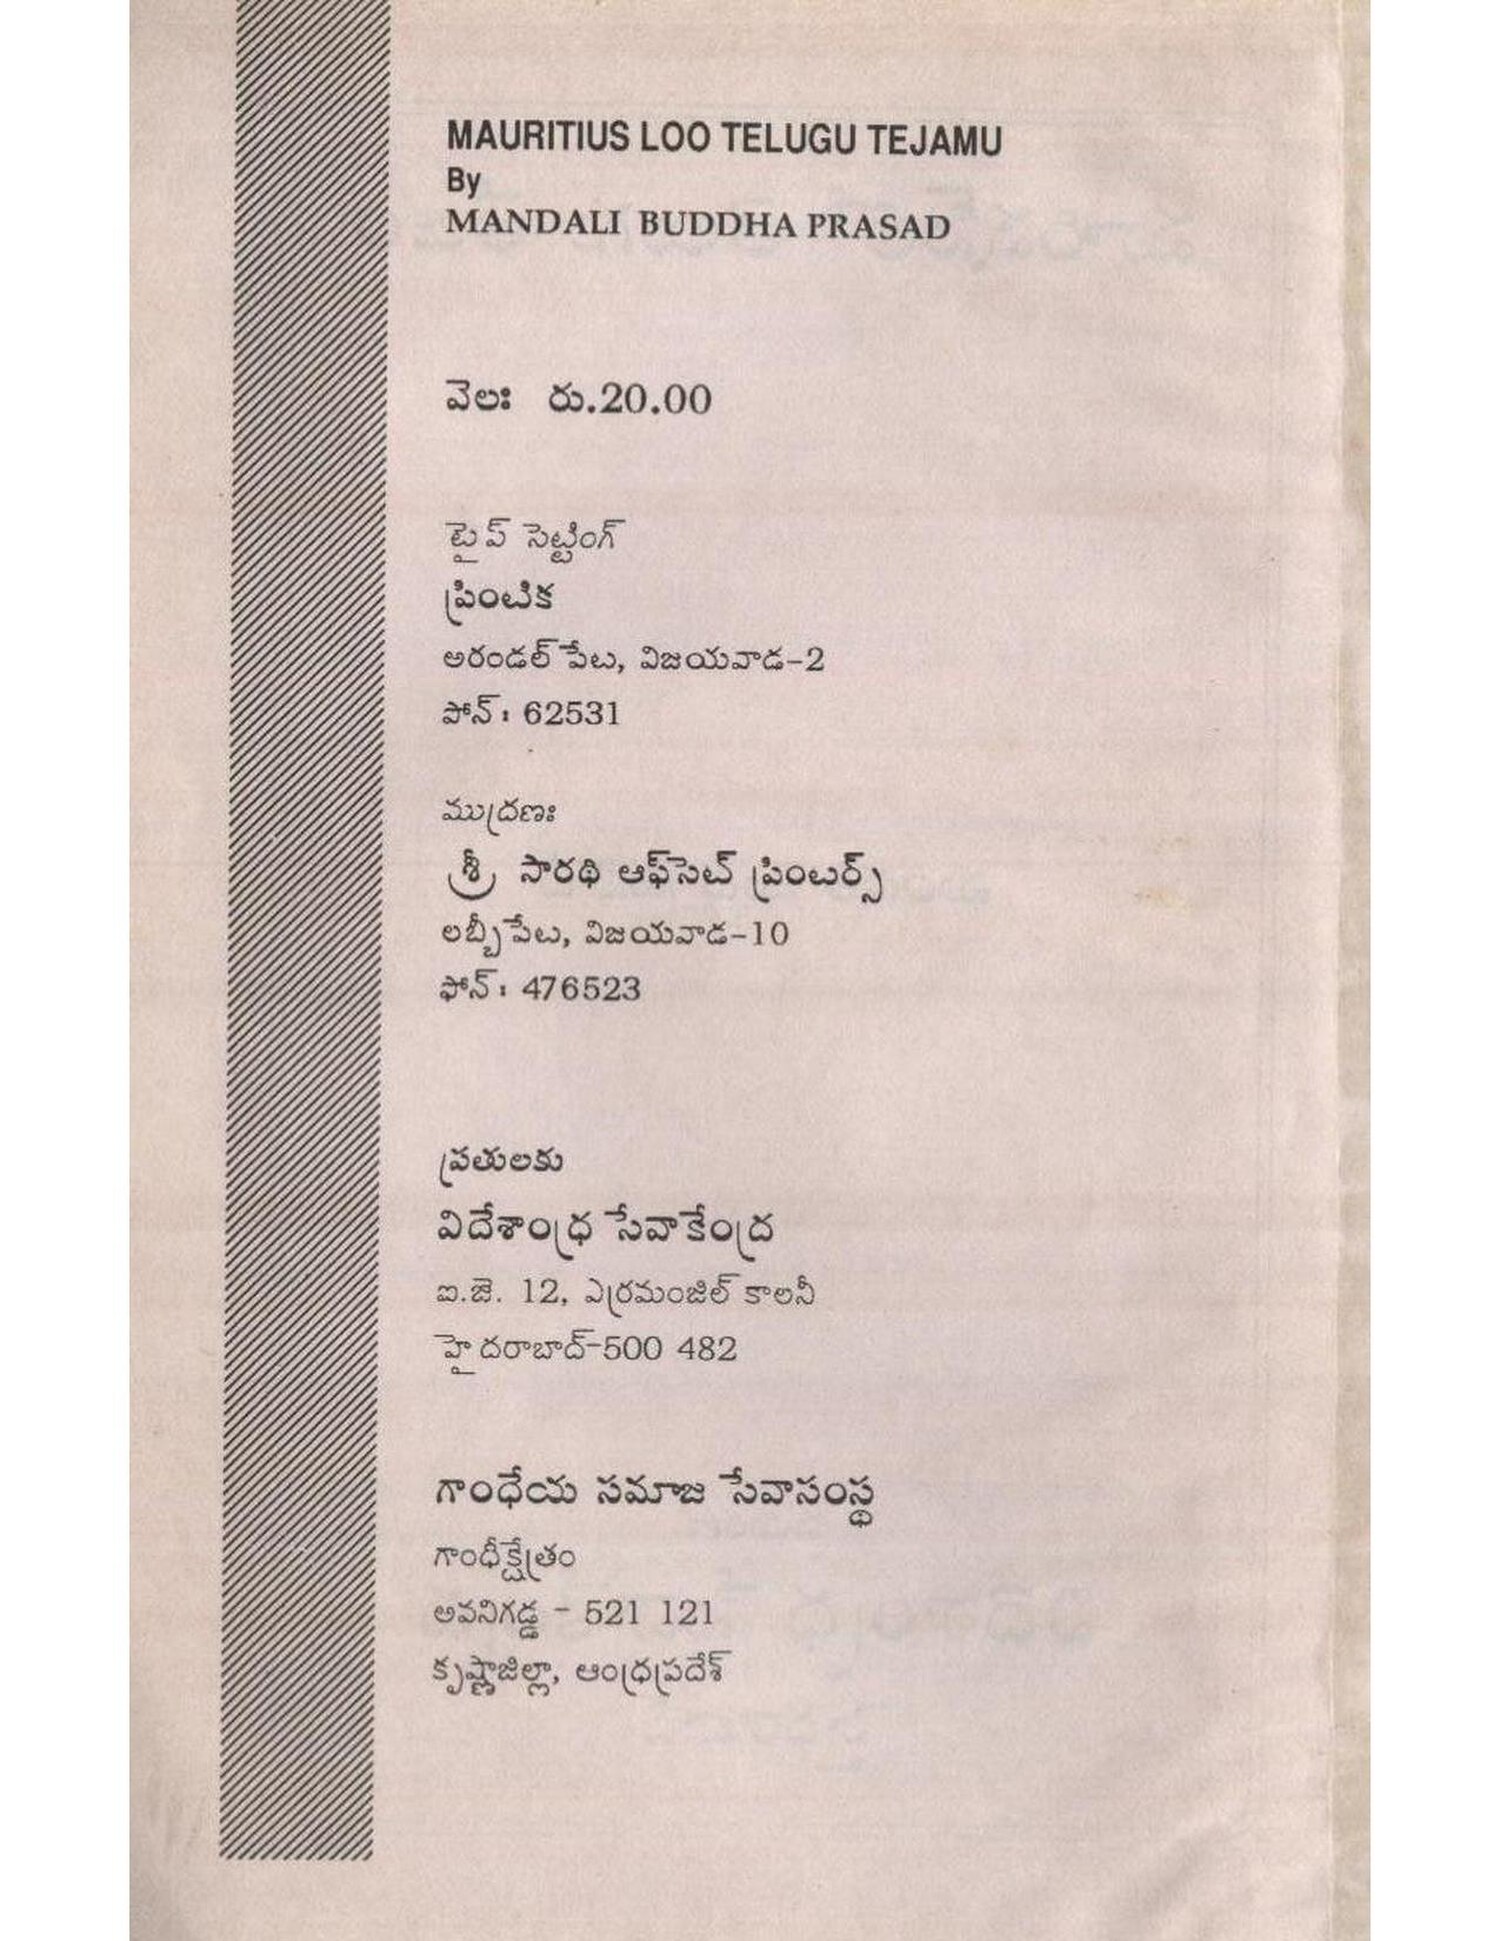MAURITIUS LOO TELUGU TEJAMU

By

వెల: రు.20.00

టైప్ సెట్టింగ్ 

ప్రింటిక

అరండల్‌పేట, విజయవాడ - 2

ఫోన్: 62531

ముద్రణ:

లబ్బీపేట, విజయవాడ-10

ఫోన్ : 476523

ప్రతులకు 

ఐ.జె. 12, ఎర్రమంజిల్ కాలనీ

హైదరాబాద్-500 482

గాంధేయ సమాజ సేవాసంస్థ

గాంధీక్షేత్రం
అవనిగడ్డ - 521121
కృష్ణాజిల్లా, ఆంధ్రప్రదేశ్